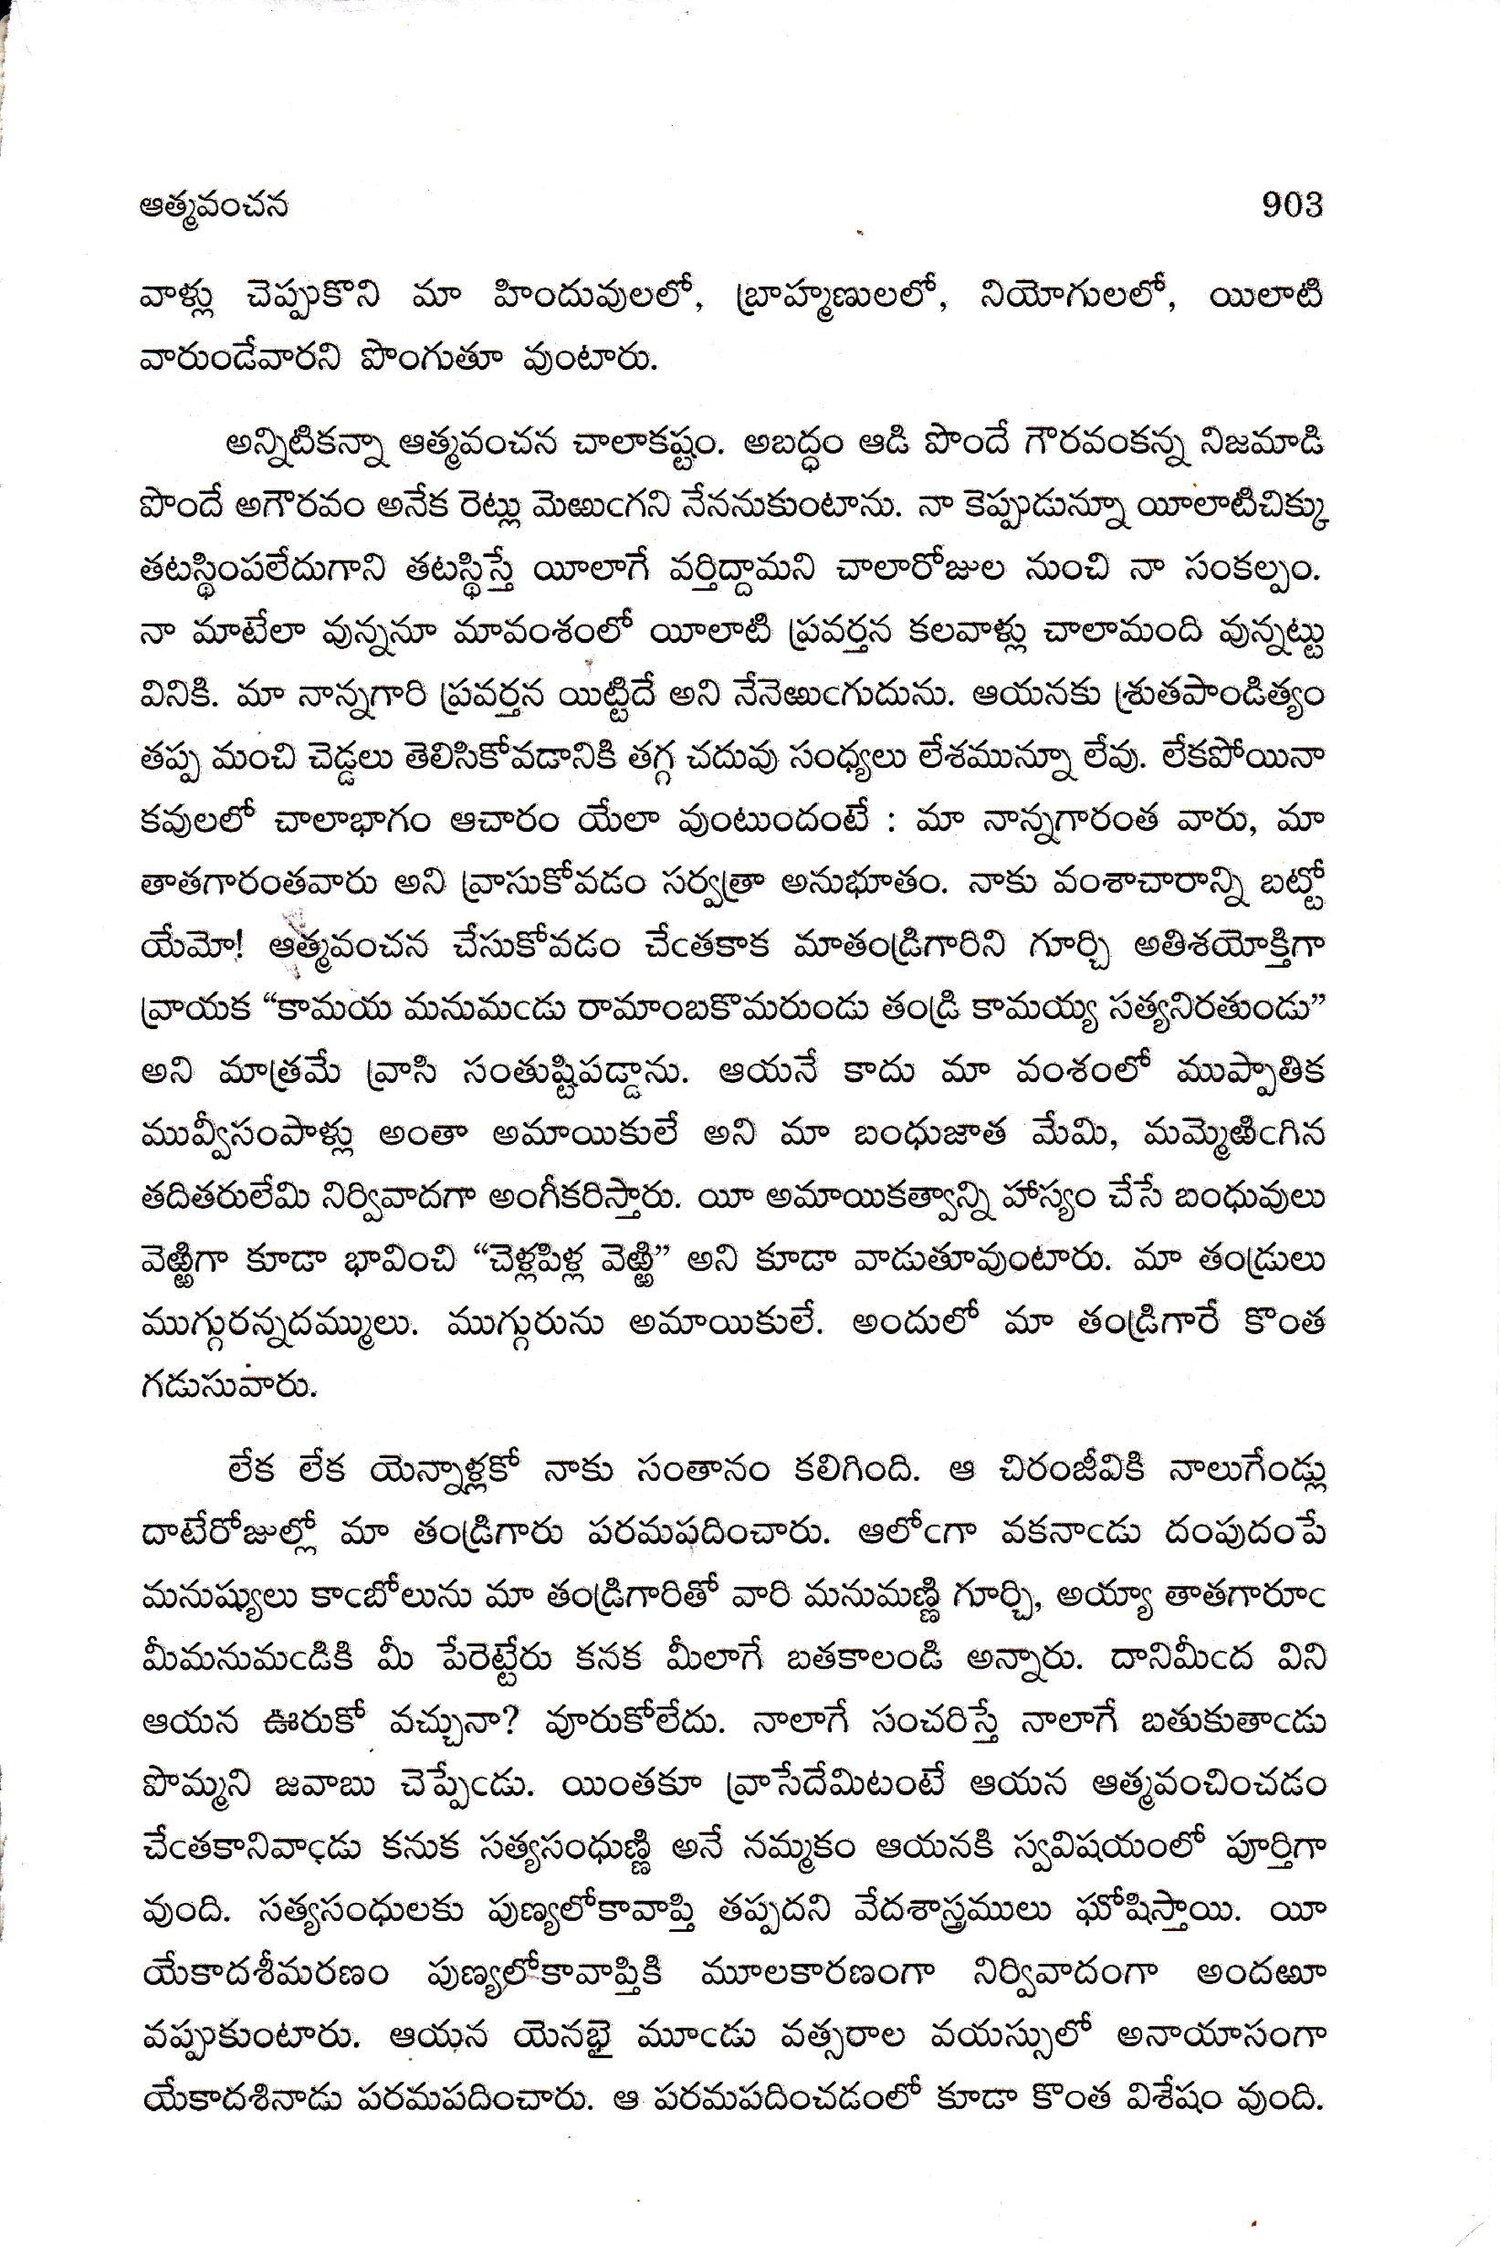వాళ్లు చెప్పుకొని మా హిందువులలో, బ్రాహ్మణులలో, నియోగులలో, యిలాటి వారుండేవారని పొంగుతూ వుంటారు.

అన్నిటికన్నా ఆత్మవంచన చాలాకష్టం. అబద్ధం ఆడి పొందే గౌరవంకన్న నిజమాడి పొందే అగౌరవం అనేక రెట్లు మెఱుఁగని నేననుకుంటాను. నా కెప్పడున్నూ యీలాటిచిక్కు తటస్థింపలేదుగాని తటస్థిస్తే యిూలాగే వర్తిద్దామని చాలారోజుల నుంచి నా సంకల్పం. నా మాటేలా వున్ననూ మావంశంలో యీలాటి ప్రవర్తన కలవాళ్లు చాలామంది వున్నట్టు వినికి. మా నాన్నగారి ప్రవర్తన యిట్టిదే అని నేనెఱుఁగుదును. ఆయనకు శ్రుతపాండిత్యం తప్ప మంచి చెడ్డలు తెలిసికోవడానికి తగ్గ చదువు సంధ్యలు లేశమున్నూ లేవు. లేకపోయినా కవులలో చాలాభాగం ఆచారం యేలా వుంటుందంటే : మా నాన్నగారంత వారు, మా తాతగారంతవారు అని వ్రాసుకోవడం సర్వత్రా అనుభూతం. నాకు వంశాచారాన్ని బట్టో యేమో! ఆత్మవంచన చేసుకోవడం చేఁతకాక మాతండ్రిగారిని గూర్చి అతిశయోక్తిగా వ్రాయక “కామయ మనుమఁడు రామాంబకొమరుండు తండ్రి కామయ్య సత్యనిరతుండు" అని మాత్రమే వ్రాసి సంతుష్టిపడ్డాను. ఆయనే కాదు మా వంశంలో ముప్పాతిక మువ్వీసంపాళ్లు అంతా అమాయికులే అని మా బంధుజాత మేమి, మమ్మెఱిఁగిన తదితరులేమి నిర్వివాదగా అంగీకరిస్తారు. యీ అమాయికత్వాన్ని హాస్యం చేసే బంధువులు వెఱ్ఱిగా కూడా భావించి "చెళ్లపిళ్ల వెఱ్ఱి" అని కూడా వాడుతూవుంటారు. మా తండ్రులు ముగ్గురన్నదమ్ములు. ముగ్గురును అమాయికులే. అందులో మా తండ్రిగారే కొంత గడుసువారు.

లేక లేక యెన్నాళ్లకో నాకు సంతానం కలిగింది. ఆ చిరంజీవికి నాలుగేండ్లు దాటేరోజుల్లో మా తండ్రిగారు పరమపదించారు. ఆలోఁగా వకనాఁడు దంపుదంపే మనుష్యులు కాఁబోలును మా తండ్రిగారితో వారి మనుమణ్ణి గూర్చి, అయ్యా తాతగారూఁ మీమనుమఁడికి మీ పేరెట్టేరు కనక మీలాగే బతకాలండి అన్నారు. దానిమీఁద విని ఆయన ఊరుకో వచ్చునా? వూరుకోలేదు. నాలాగే సంచరిస్తే నాలాగే బతుకుతాఁడు పొమ్మని జవాబు చెప్పేఁడు. యింతకూ వ్రాసేదేమిటంటే ఆయన ఆత్మవంచించడం చేఁతకానివాఁడు కనుక సత్యసంధుణ్ణి అనే నమ్మకం ఆయనకి స్వవిషయంలో పూర్తిగా వుంది. సత్యసంధులకు పుణ్యలోకావాప్తి తప్పదని వేదశాస్త్రములు ఘోషిస్తాయి. యీ యేకాదశీమరణం పుణ్యలోకావాప్తికి మూలకారణంగా నిర్వివాదంగా అందఱూ వప్పుకుంటారు. ఆయన యెనభై మూఁడు వత్సరాల వయస్సులో అనాయాసంగా యేకాదశినాడు పరమపదించారు. ఆ పరమపదించడంలో కూడా కొంత విశేషం వుంది.